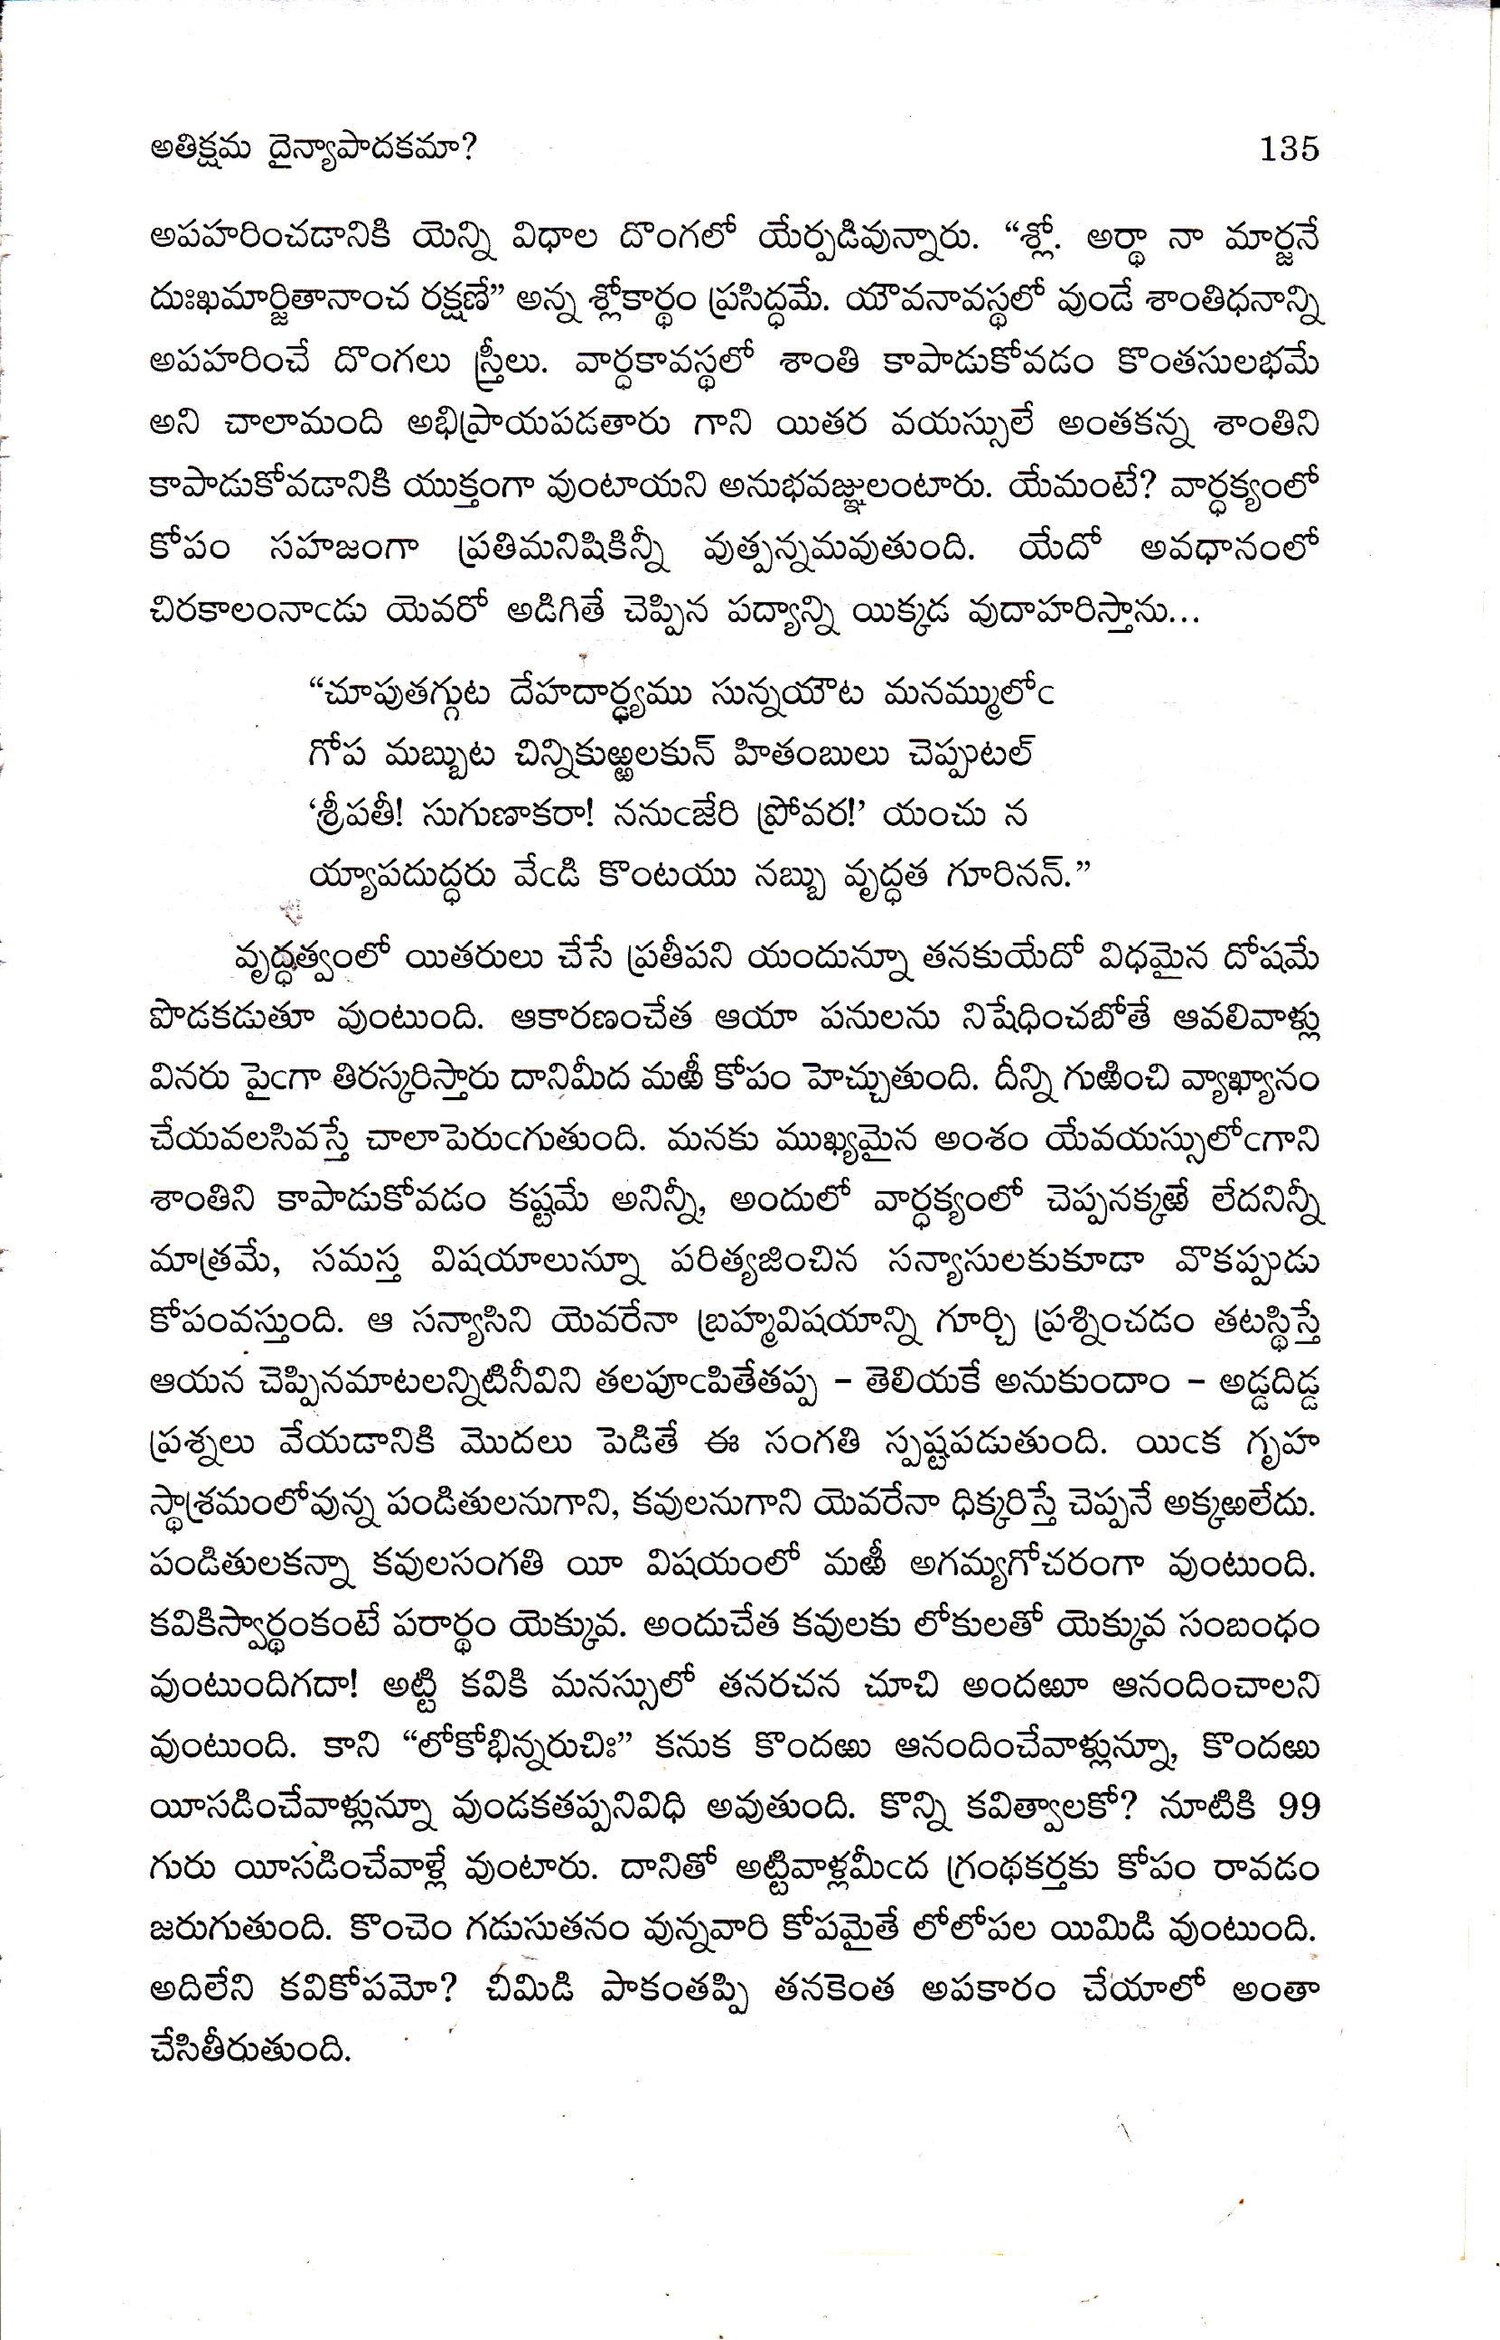అపహరించడానికి యెన్ని విధాల దొంగలో యేర్పడివున్నారు. "శ్లో. అర్థా నా మార్జనే దుఃఖమార్జితానాంచ రక్షణే" అన్న శ్లోకార్థం ప్రసిద్ధమే. యౌవనావస్థలో వుండే శాంతిధనాన్ని అపహరించే దొంగలు స్త్రీలు. వార్థకావస్థలో శాంతి కాపాడుకోవడం కొంతసులభమే అని చాలామంది అభిప్రాయపడతారు గాని యితర వయస్సులే అంతకన్న శాంతిని కాపాడుకోవడానికి యుక్తంగా వుంటాయని అనుభవజ్ఞులంటారు. యేమంటే? వార్ధక్యంలో కోపం సహజంగా ప్రతిమనిషికిన్నీ వుత్పన్నమవుతుంది. యేదో అవధానంలో చిరకాలంనాఁడు యెవరో అడిగితే చెప్పిన పద్యాన్ని యిక్కడ వుదాహరిస్తాను.

"చూపుతగ్గుట దేహదార్ఢ్యము సున్నయౌట మనమ్ములోఁ
 గోప మబ్బుట చిన్నికుఱ్ఱలకున్ హితంబులు చెప్పుటల్
 'శ్రీపతీ! సుగుణాకరా! ననుఁజేరి ప్రోవర!' యంచు న 
 య్యాపదుద్ధరు వేఁడి కొంటయు నబ్బు వృద్ధత గూరినన్."
వృద్ధత్వంలో యితరులు చేసే ప్రతీపని యందున్నూ తనకుయేదో విధమైన దోషమే పొడకడుతూ వుంటుంది. ఆకారణంచేత ఆయా పనులను నిషేధించబోతే ఆవలివాళ్లు వినరు పైఁగా తిరస్కరిస్తారు దానిమీద మఱీ కోపం హెచ్చుతుంది. దీన్ని గుఱించి వ్యాఖ్యానం చేయవలసివస్తే చాలా పెరుఁగుతుంది. మనకు ముఖ్యమైన అంశం యేవయస్సులోఁగాని శాంతిని కాపాడుకోవడం కష్టమే అనిన్నీ, అందులో వార్ధక్యంలో చెప్పనక్కఱే లేదనిన్నీ మాత్రమే, సమస్త విషయాలున్నూ పరిత్యజించిన సన్యాసులకుకూడా వొకప్పుడు కోపంవస్తుంది. ఆ సన్యాసిని యెవరేనా బ్రహ్మవిషయాన్ని గూర్చి ప్రశ్నించడం తటస్థిస్తే ఆయన చెప్పినమాటలన్నిటినీవిని తలవూఁపితేతప్ప - తెలియకే అనుకుందాం - అడ్డదిడ్డ ప్రశ్నలు వేయడానికి మొదలు పెడితే ఈ సంగతి స్పష్టపడుతుంది. యింక గృహ స్థాశ్రమంలోవున్న పండితులనుగాని, కవులనుగాని యెవరేనా ధిక్కరిస్తే చెప్పనే అక్కఱలేదు. పండితులకన్నా కవులసంగతి యీ విషయంలో మఱీ అగమ్యగోచరంగా వుంటుంది. కవికిస్వార్థంకంటే పరార్థం యొక్కువ. అందుచేత కవులకు లోకులతో యెక్కువ సంబంధం వుంటుందిగదా! అట్టి కవికి మనస్సులో తనరచన చూచి అందఱూ ఆనందించాలని వుంటుంది. కాని "లోకోభిన్నరుచిః" కనుక కొందఱు ఆనందించేవాళ్లున్నూ కొందఱు యీసడించేవాళ్లున్నూ వుండకతప్పనివిధి అవుతుంది. కొన్ని కవిత్వాలకో? నూటికి 99 గురు యీసడించేవాళ్లే వుంటారు. దానితో అట్టివాళ్లమీఁద గ్రంథకర్తకు కోపం రావడం జరుగుతుంది. కొంచెం గడుసుతనం వున్నవారి కోపమైతే లోలోపల యిమిడి వుంటుంది. అదిలేని కవికోపమో? చిమిడి పాకంతప్పి తనకెంత అపకారం చేయాలో అంతా చేసితీరుతుంది.